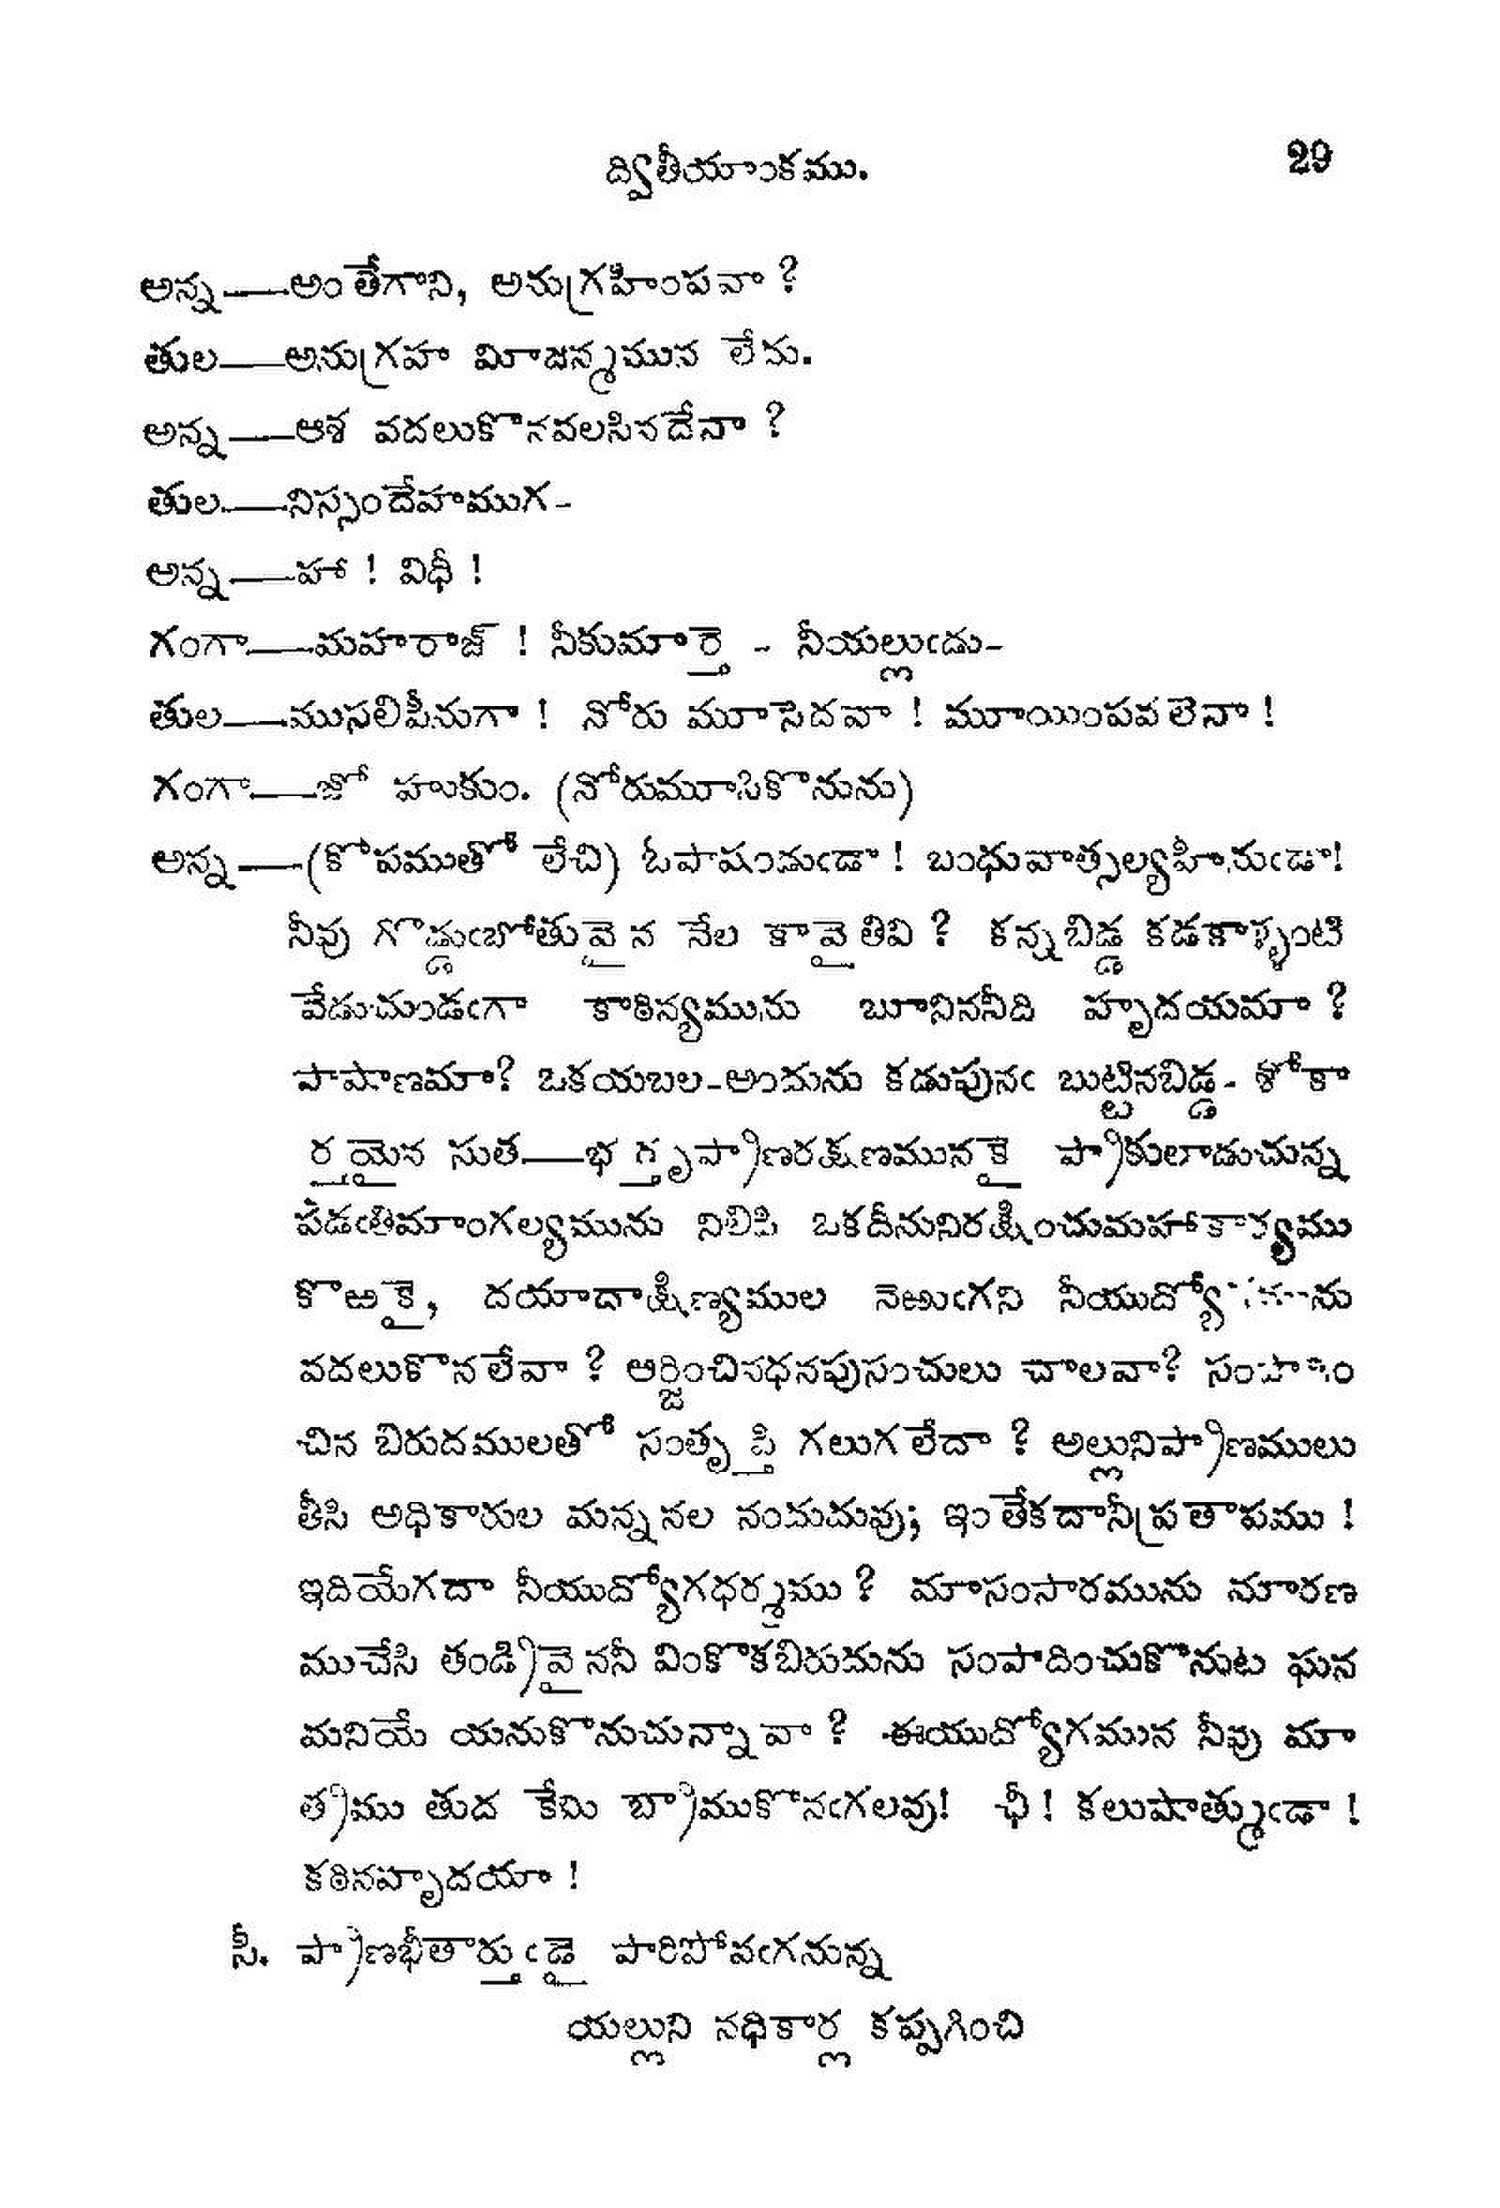అన్న -- అంతేగాని, అనుగ్రహింపవా ?

తుల - అనుగ్రహ మీజన్మమున లేదు.

అన్న - ఆశ వదలుకొనవలసినదేనా ?

తుల - నిస్సందేహముగ.

అన్న - హా ! విధీ !

గంగా – మహరాజ్ ! నీకుమార్తె - నీయల్లుఁడు-

తుల - ముసలిపీనుగా ! నోరు మూసెదవా ! మూయింపవలెనా !

గంగా - జో హుకుం. (నోరుమూసికొనును)

అన్న — (కోపముతో లేచి) ఓపాషండుఁడా ! బంధువాత్సల్యహీనుఁడా! నీవు గొడ్డుఁబోతువైన నేల కావైతివి ? కన్నబిడ్డ కడకాళ్ళంటి వేడుచుండఁగా కాఠిన్యమును బూనిననీది హృదయమా ?
పాషాణమా? ఒకయబల - అందును కడుపునఁ బుట్టినబిడ్డ - శోకార్తయైన సుత -భర్తృప్రాణరక్షణమునకై ప్రాకులాడుచున్న పడఁతిమాంగల్యమును నిలిపి ఒకదీనునిరక్షించుమహా కార్యము కొఱకై, దయాదాక్షిణ్యముల నెఱుఁగని నీయుద్యోగమును వదలుకొనలేవా ? ఆర్జించిన ధనపుసంచులు చాలవా? సంపాదించిన బిరుదములతో సంతృప్తి గలుగలేదా ? అల్లునిప్రాణములు
తీసి అధికారుల మన్ననల నందుదువు; ఇంతేకదానీప్రతాపము ! ఇదియేగదా నీయుద్యోగధర్మము ? మాసంసారమును మారణముచేసి తండివైననీ వింకొకబిరుదును సంపాదించుకొనుట ఘనమనియే యనుకొనుచున్నా వా ? ఈయుద్యోగమున నీవు మాత్రము తుద కేమి బ్రాముకొనఁగలవు! ఛీ! కలుషాత్ముఁడా ! కఠినహృదయా !

సీ. ప్రాణభీతార్తుఁడై పారిపోవఁగనున్న
 యల్లుని నధికార్ల కప్పగించి